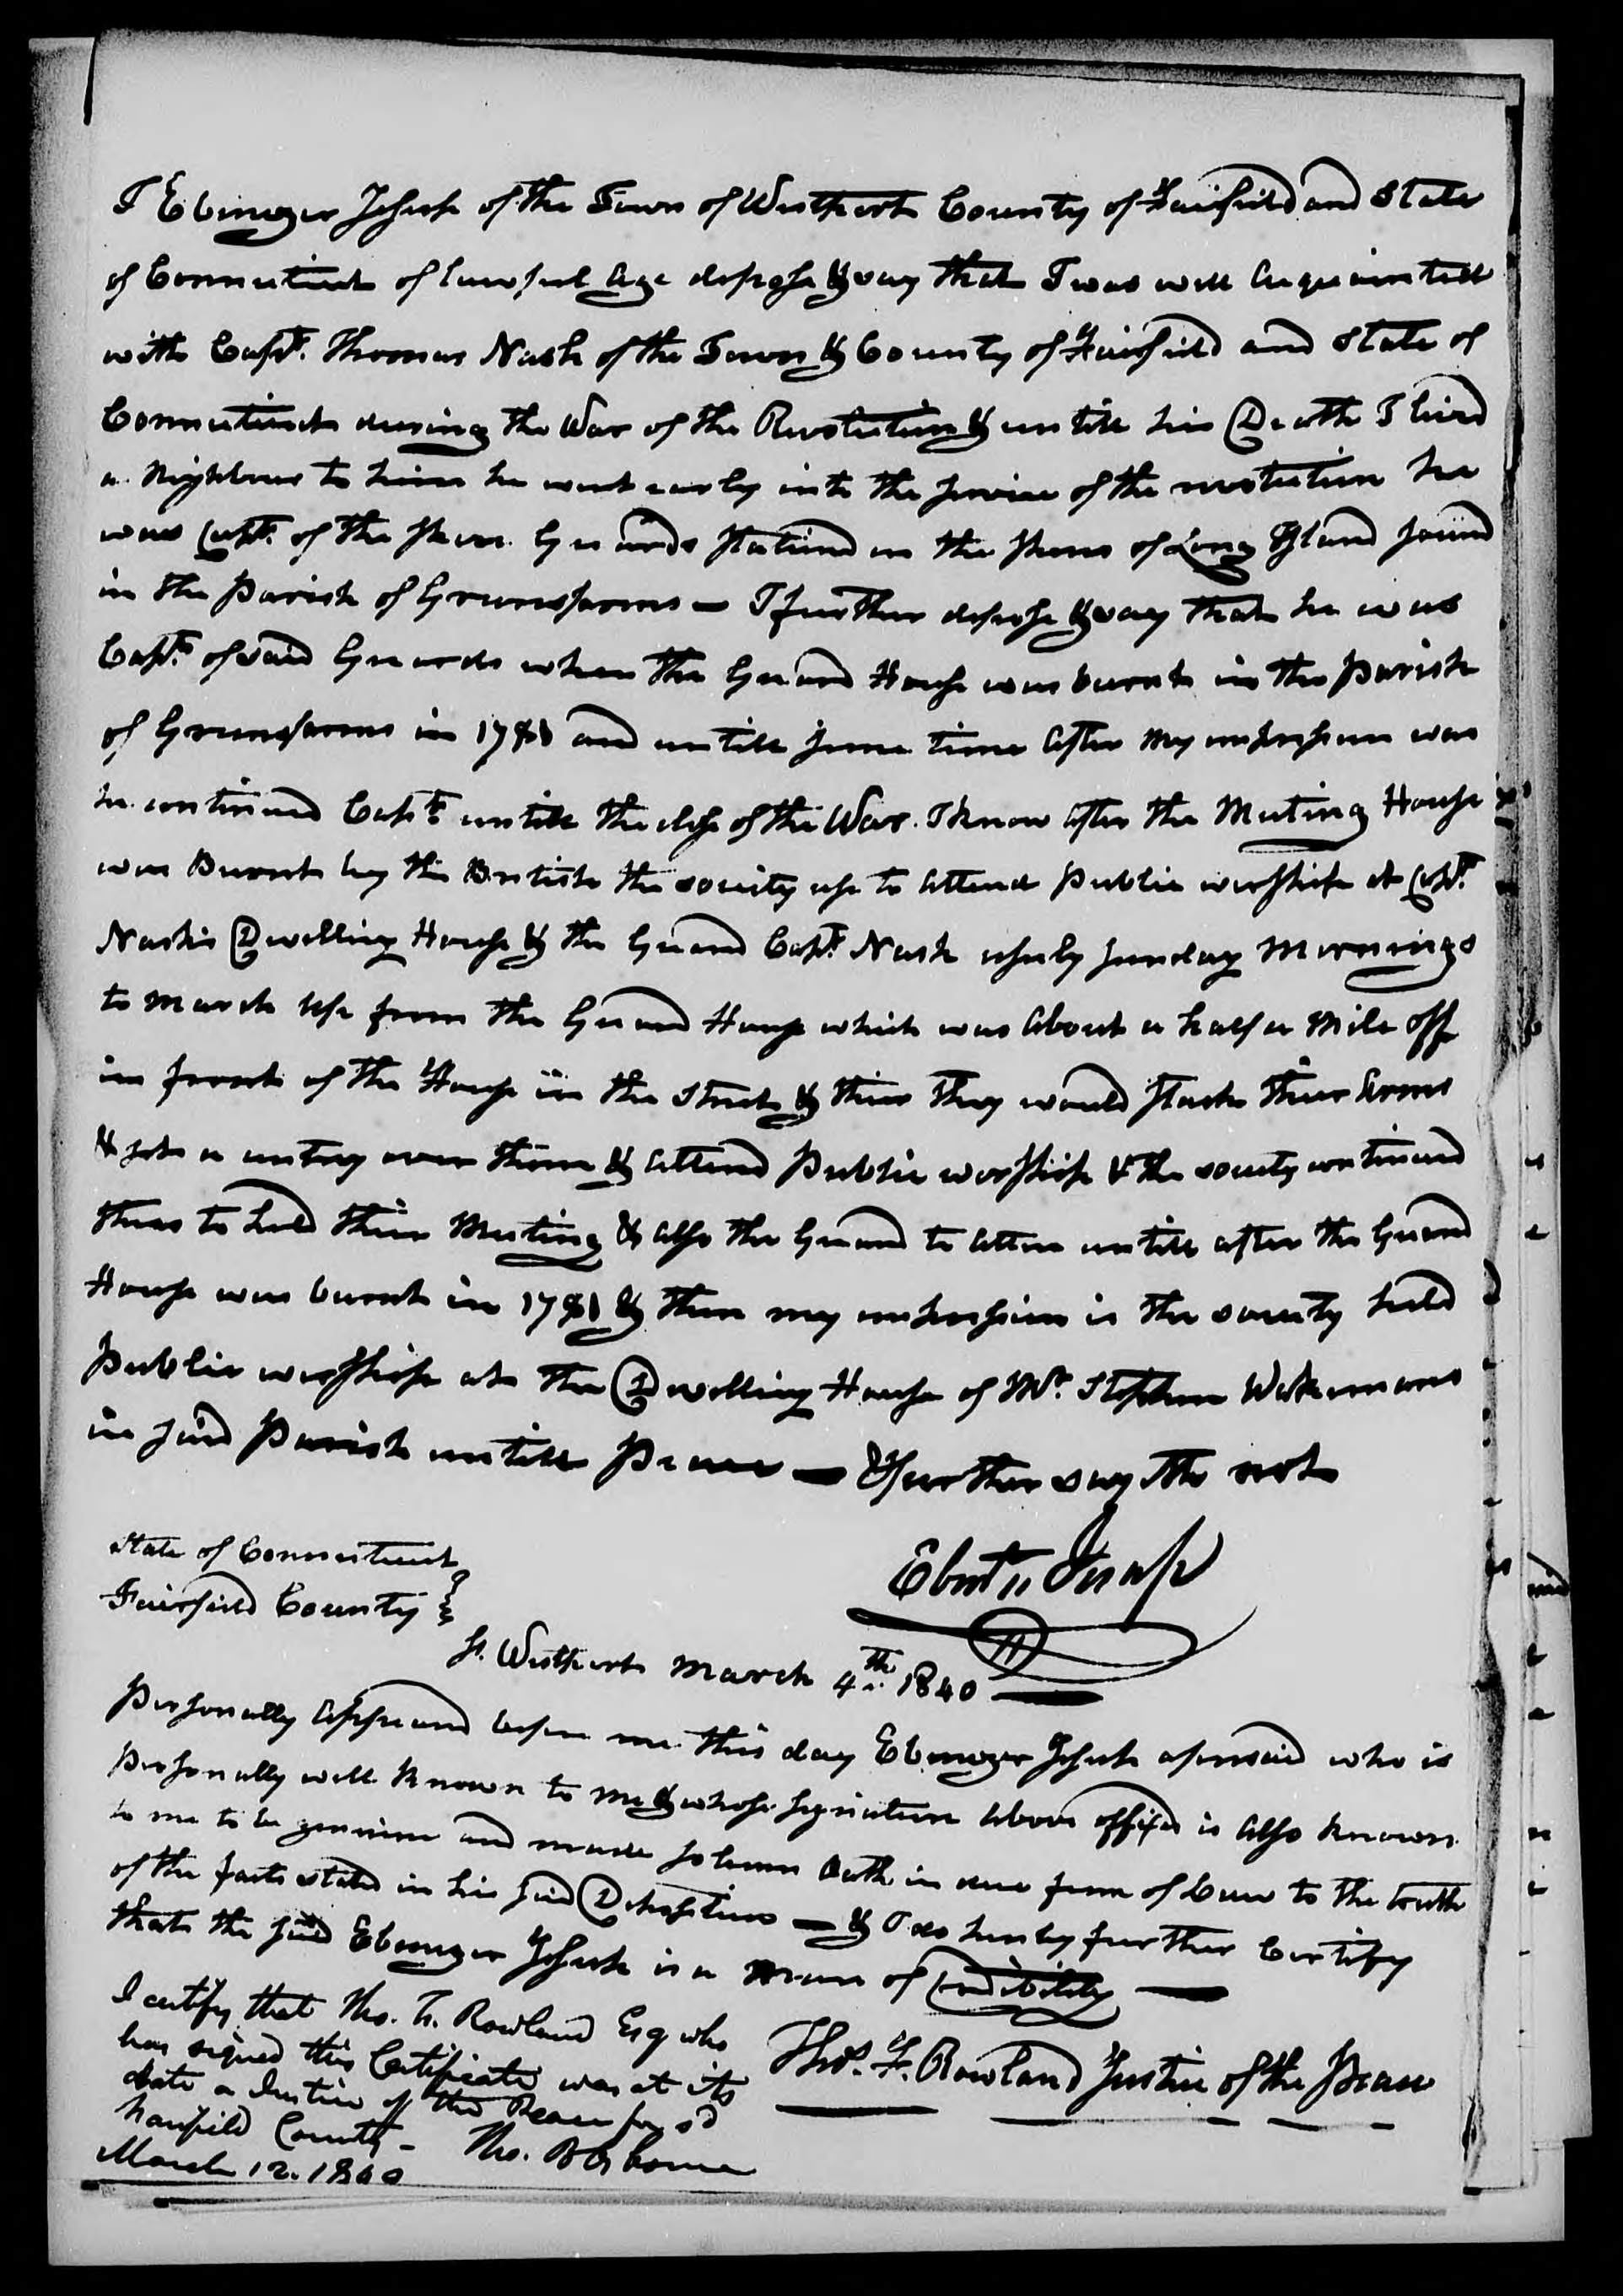I Ebenezer Jessup of the Town of Westport County of Fairfield and State
of Connecticut of lawful age depose & say that I was well acquainted with
Capt Thomas Nash of the Town & County of Fairfield and State of
Connecticut during the War of the Revolution & untill his death I lived
as neighbours to him he went early into the service of the revolution he
was Capt of the Coast Guards stationed in the shore of Long Island Sound
in the Parish of Greenfarms. I further depose & say that he was
Capt of said Guards when the guard House was burnt in the parish
of Greensfarms in 1781 and untill some time after my [illegible] was
he continued Capt untill the loss of the War. I know after the Meeting House
was burnt by the British the society use to attend public worship at Capt
Nashs Dwelling House & the Guard Capt Nash up by Sunday mornings
to march up from the Guard House which was about a half a mile off
in front of the House in the street & this they would stack their arms
& set a sentry over them & attend public worship & the sentry continued
thus to hold their meeting & also the Guard to attend untill after the Grand
House was burnt in 1781 & then my [illegible] in the county held
Public worship at the Dwelling House of Mr Stephen Wakemans
in said Parish untill peace. & further sayeth not
Ebnz Jessup
State of Connecticut
Fairfield County 
To. Westport March 4th 1840
Personally appeared before me this day Ebenezer Jessup aforesaid who is
personally well known to me whose signature above affixed is also known 
to me to be genuine and made solemn oath in due form of Law to the truth of
the facts stated in his Depositions & I do hereby further Certify
that the said Ebenezer Jessup is a man of credibility.
Thos F. Rowland Justice of the peace
I certify that the Hno. F. Rowland Esq who
has signed this Certificate was at its
date a Justice of the Peace for sd
Fairfield County
March 12. 1830
Tho. B. Osbourne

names: Nash, Ebenezer Jesup, Thomas Nash, Thos F Rowland, Ebenezer Jesup, Nash, Thos F Rowland, Ebenr Jesup, Tho F Rowland, Stephen Wakeman, Ebenezer Jesup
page: 37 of 69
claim: widow's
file: W. 25562, Abijah Elwood, Conn.